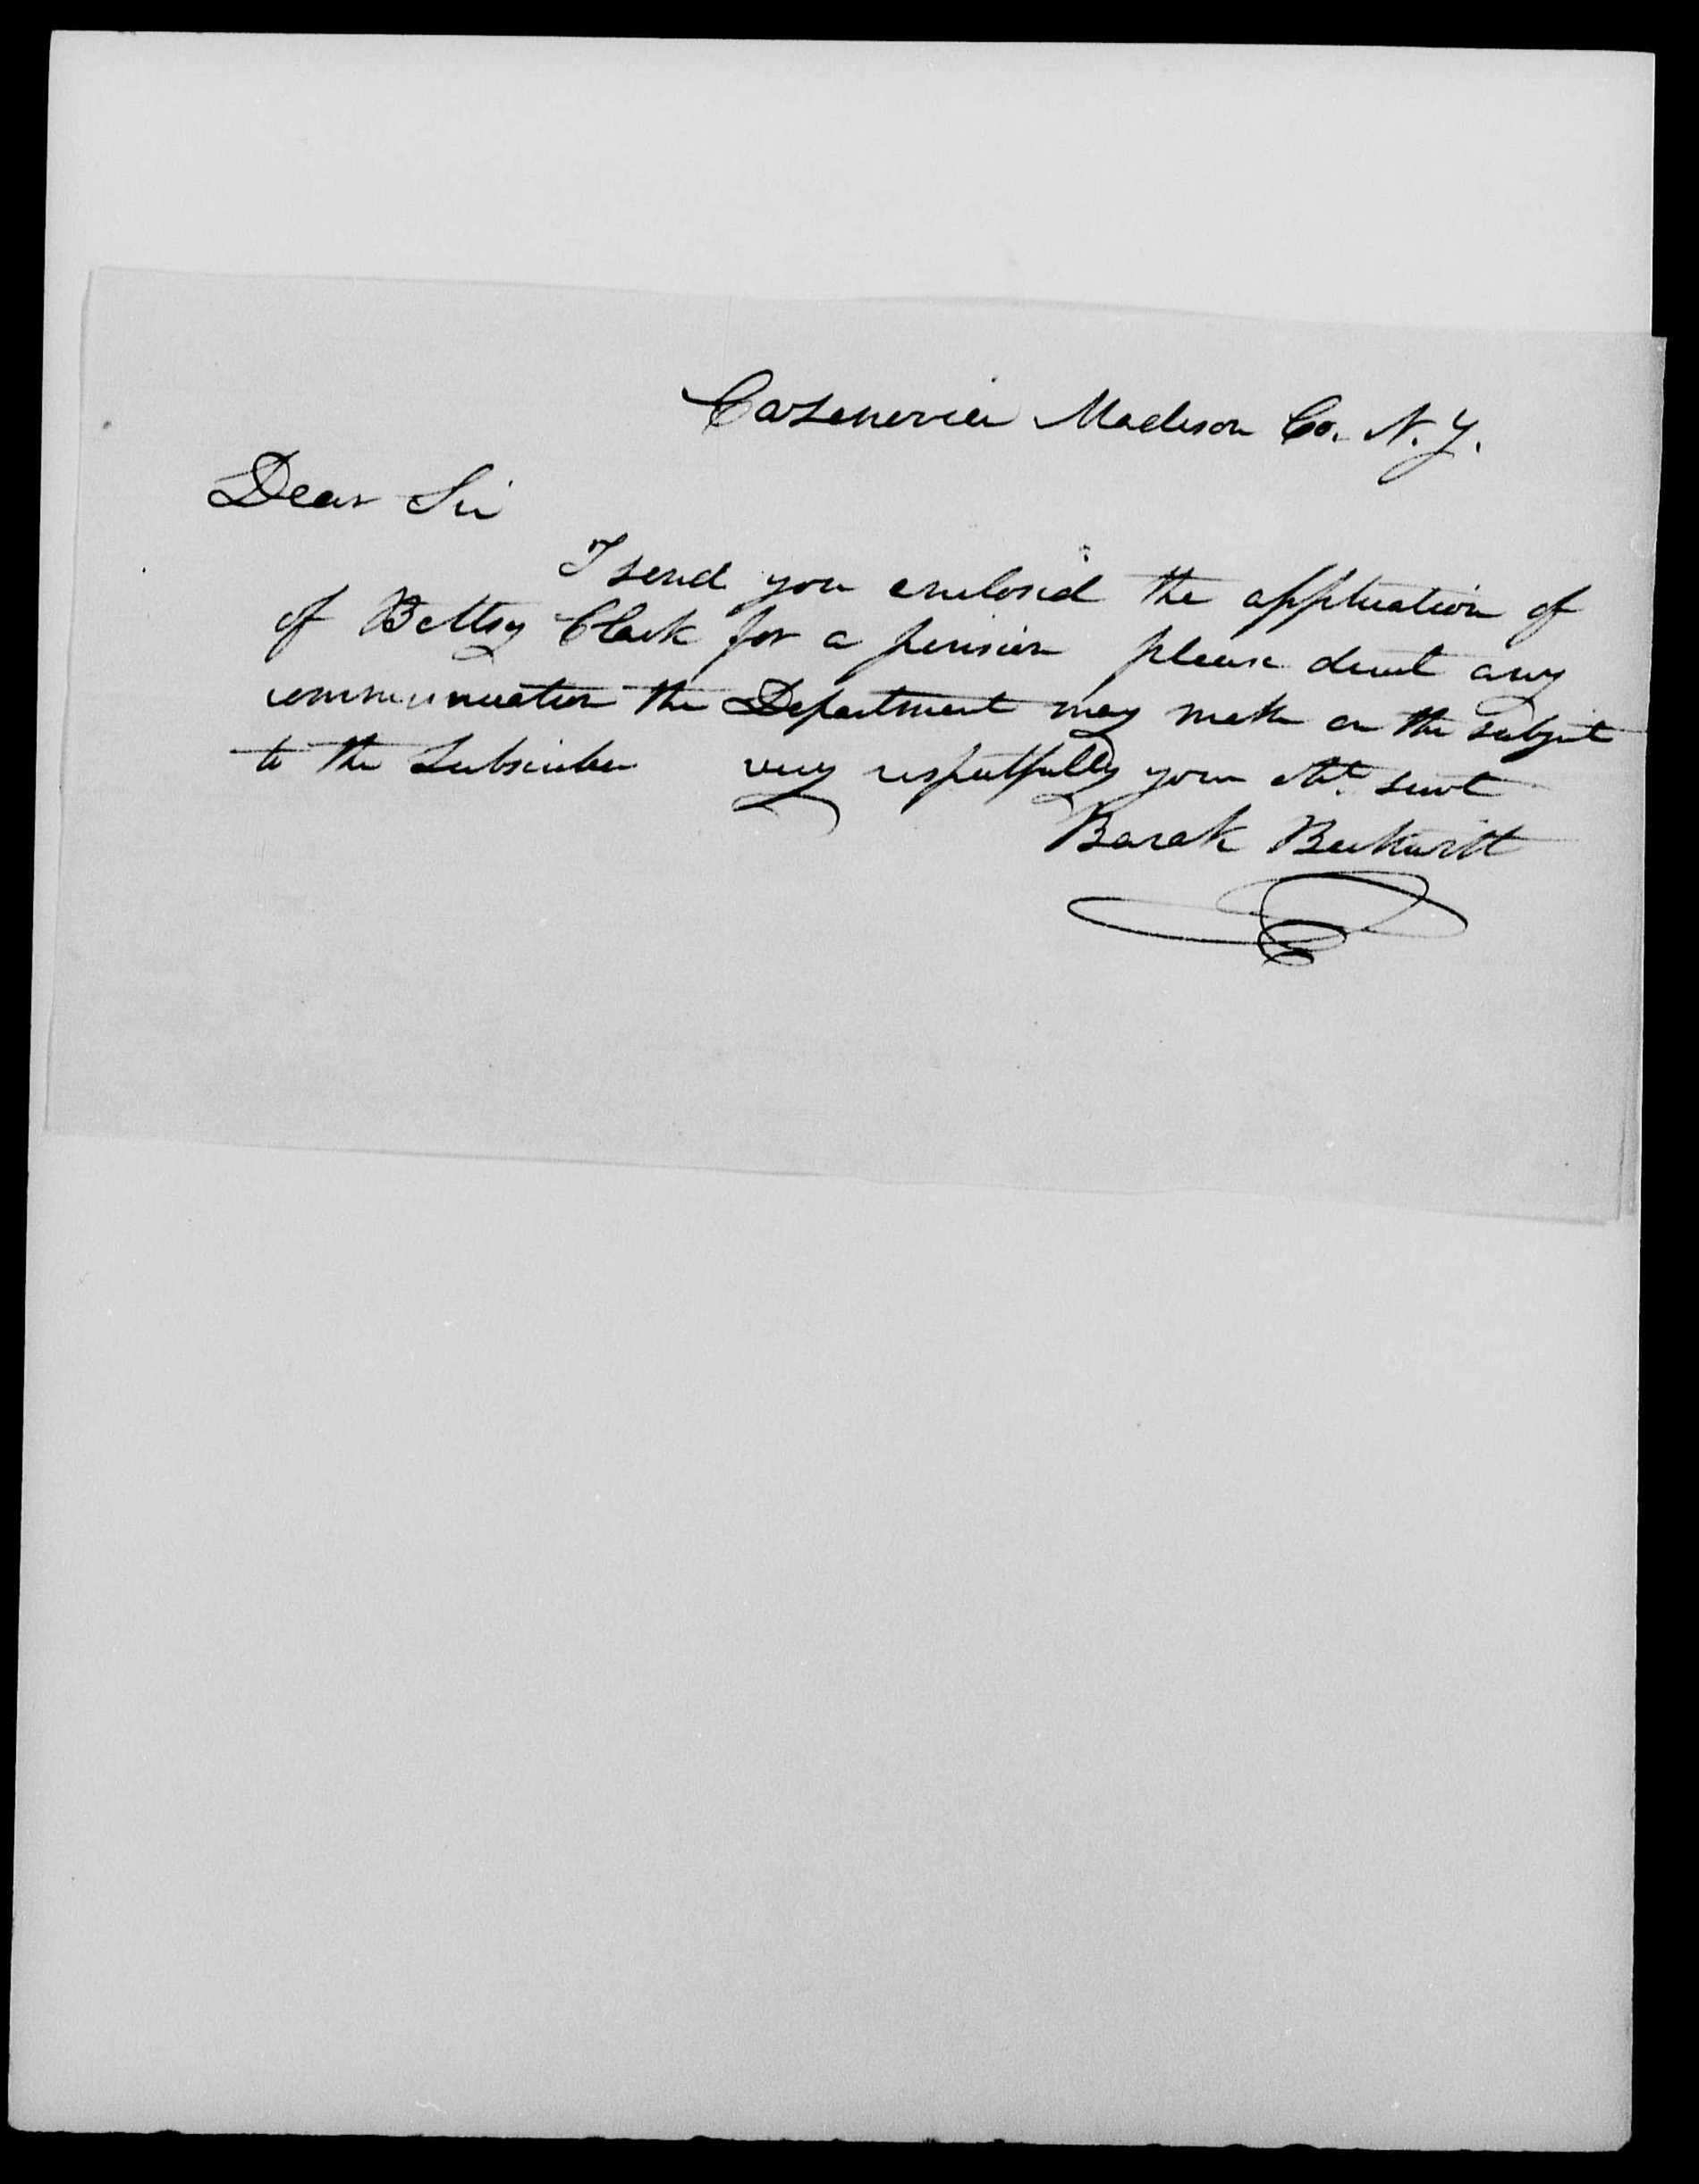[handwritten]
Cazenovia Madison Co. N.Y.
Dear Sir
I send you enclosed the application of Bettsy Clark for a pension  please direct any communication the Department may make on the subject to the Subscriber  Very respectfully your obt. Servt
Barak Beckwith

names: Barak Beckwith, Bettsy Clark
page: 18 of 51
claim: widow's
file: W. 23816, Oliver Clark, Conn.